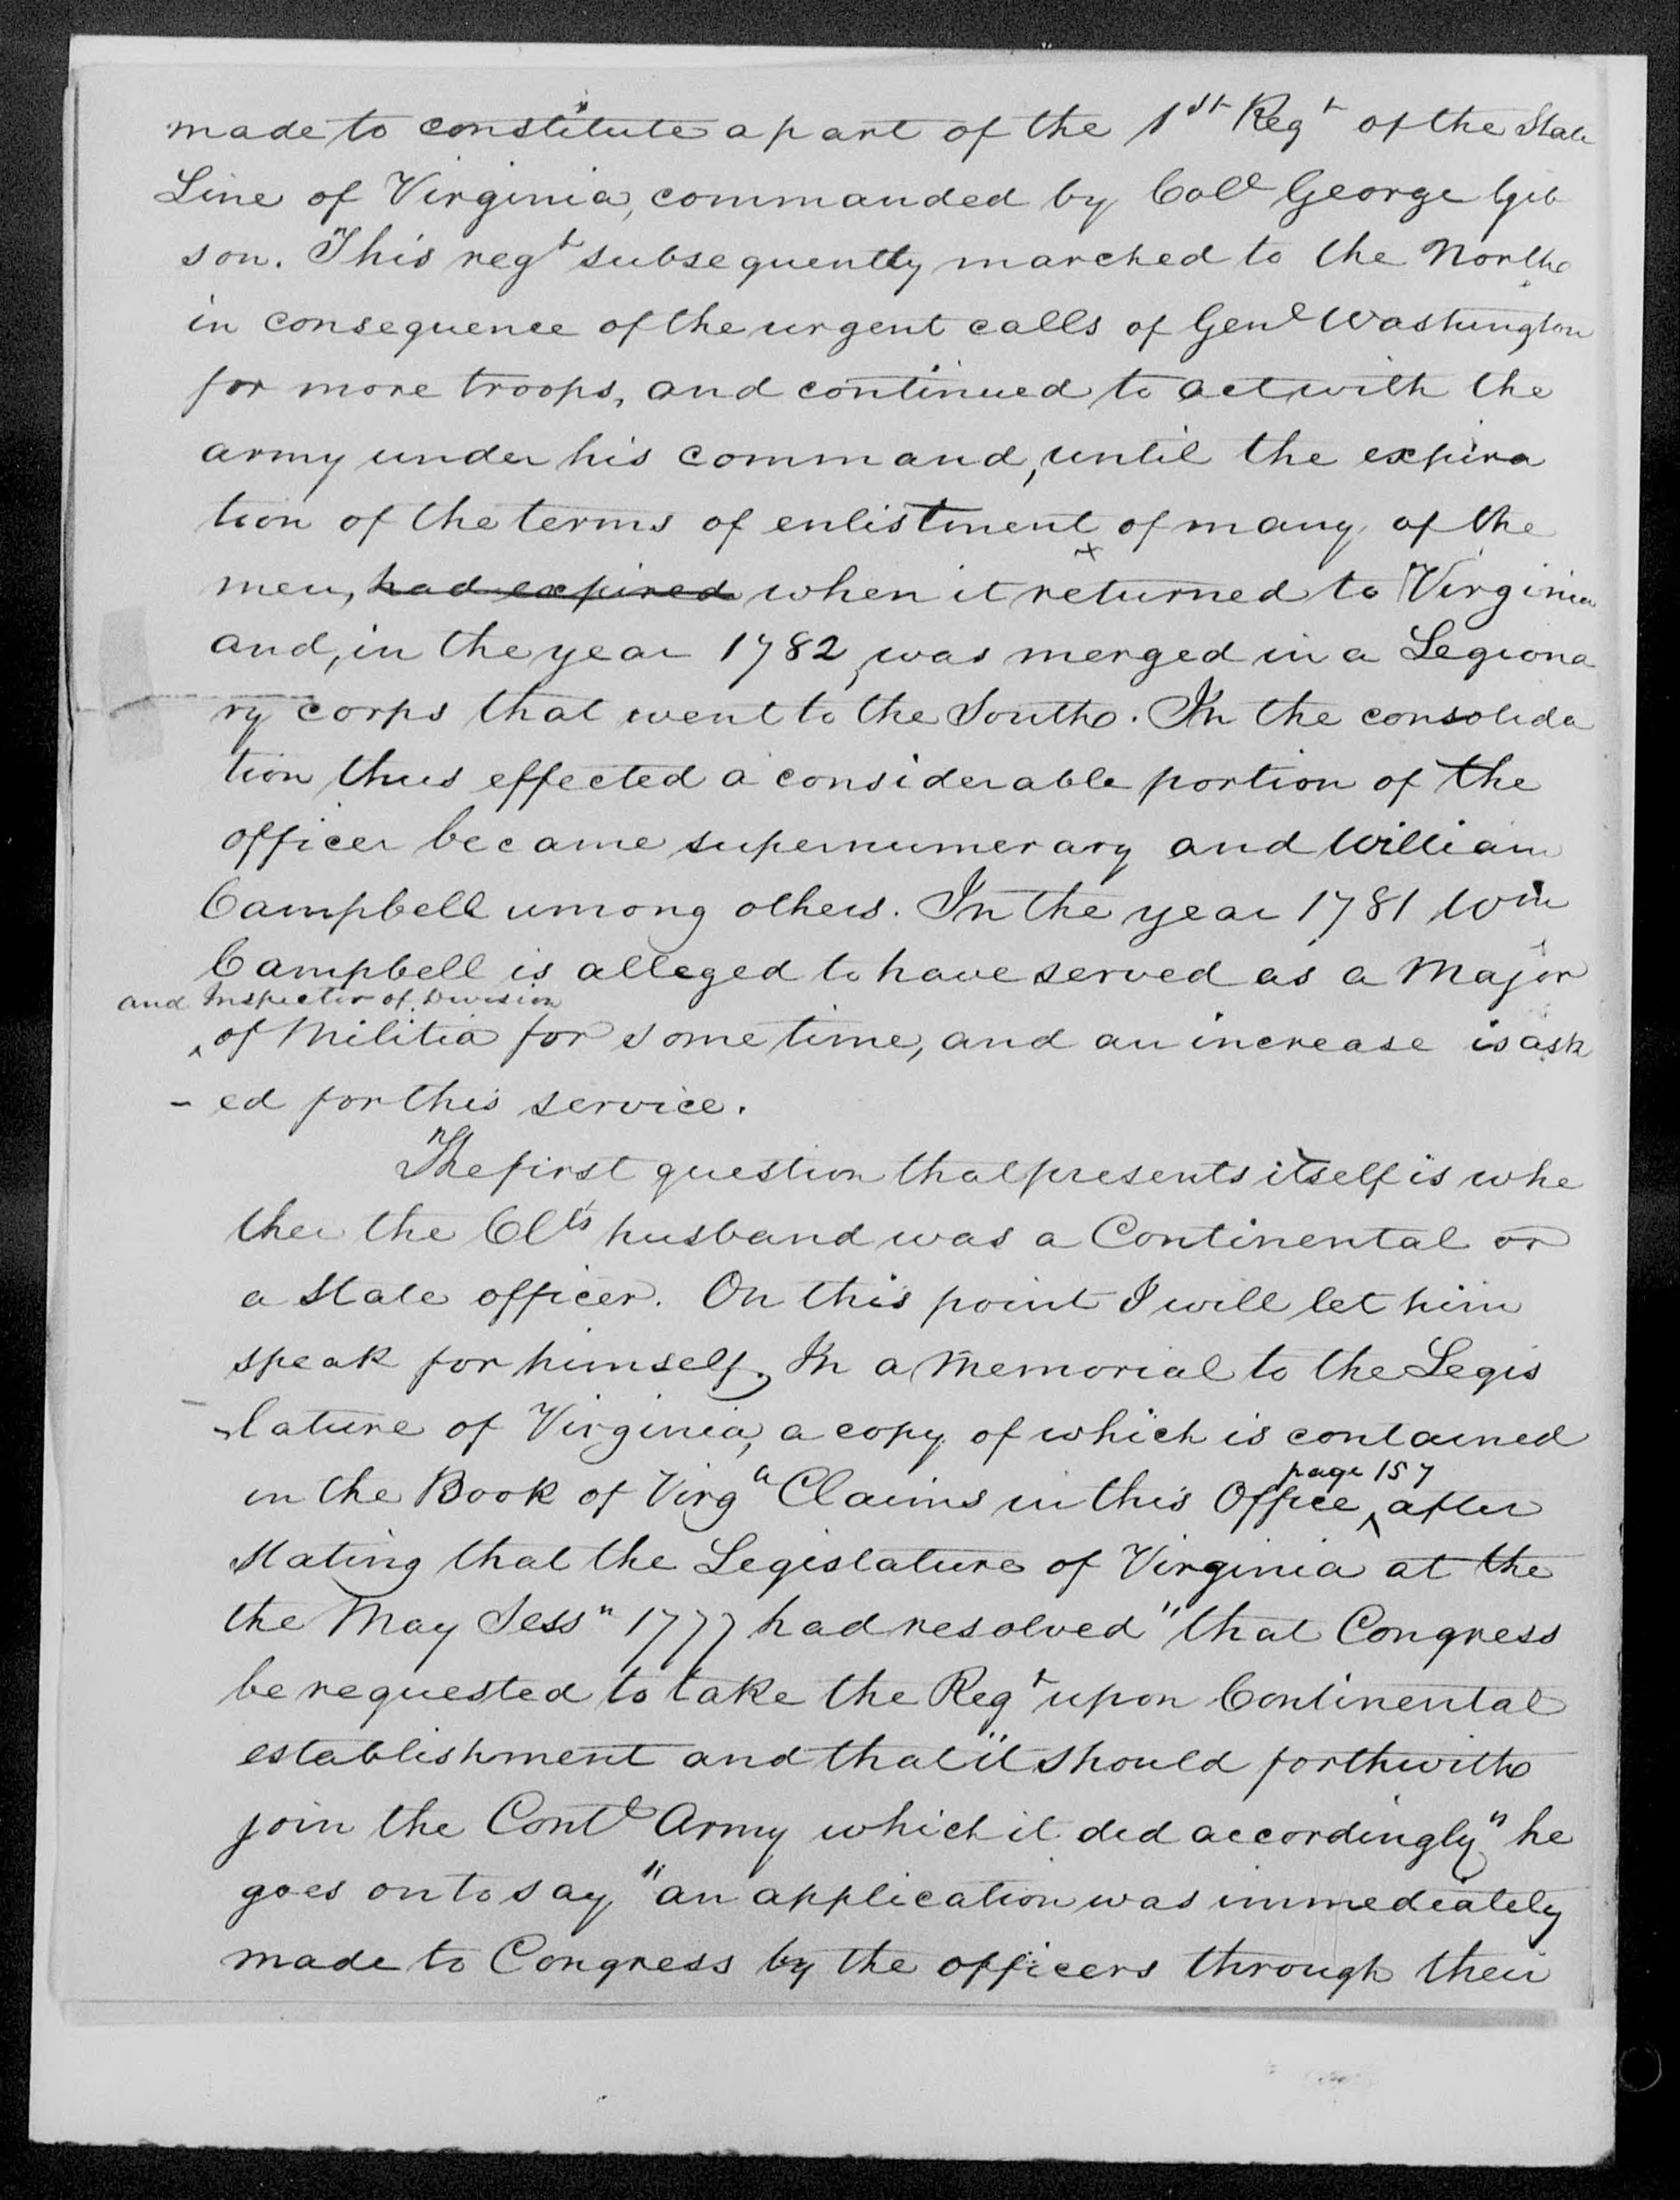made to constitute a part of the 1st Regt of the State Line of Virginia, commanded by Colonel George Gibson. This regt subsequently marched to the North in consequence of the urgent calls of Genl Washington for more troops, and continued to act with the army under his command, until the expiration of the terms of enlistment of many of the men, [cross out] had expired [end cross out] when it returned to Virginia and, in the year 1782, was merged in a Legion of corps that went to the South. In the consolidation thus effected a considerable portion of the officer became supernumerary and William Campbell among others. In the year 1781 Wm Campbell is alleged to have served as a Major and Inspector of Division of Militia for sometime, and an increase is asked for this service.
The first question that presents itself is whether the Clt's husband was a Continental or a State officer. on this point I will let him speak for himself, In a Memorial to the Legislature of Virginia, a copy of which is contained in the Book of Virga Claims in this Office [insert] page 187 [end insert] after Stating that the Legislature of Virginia at the the May Sessn 1777 had resolved "that Congress be requested to take the Regt upon Continental establishment and that it should forthwith join the Contl Army which it did accordingly" he goes on to say "an application was immediately made to Congress by the officers through their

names: Washington, William Campbell, Wm Campbell, George Gibson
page: 81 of 267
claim: widow's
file: W. 4,149, William Campbell, Va.